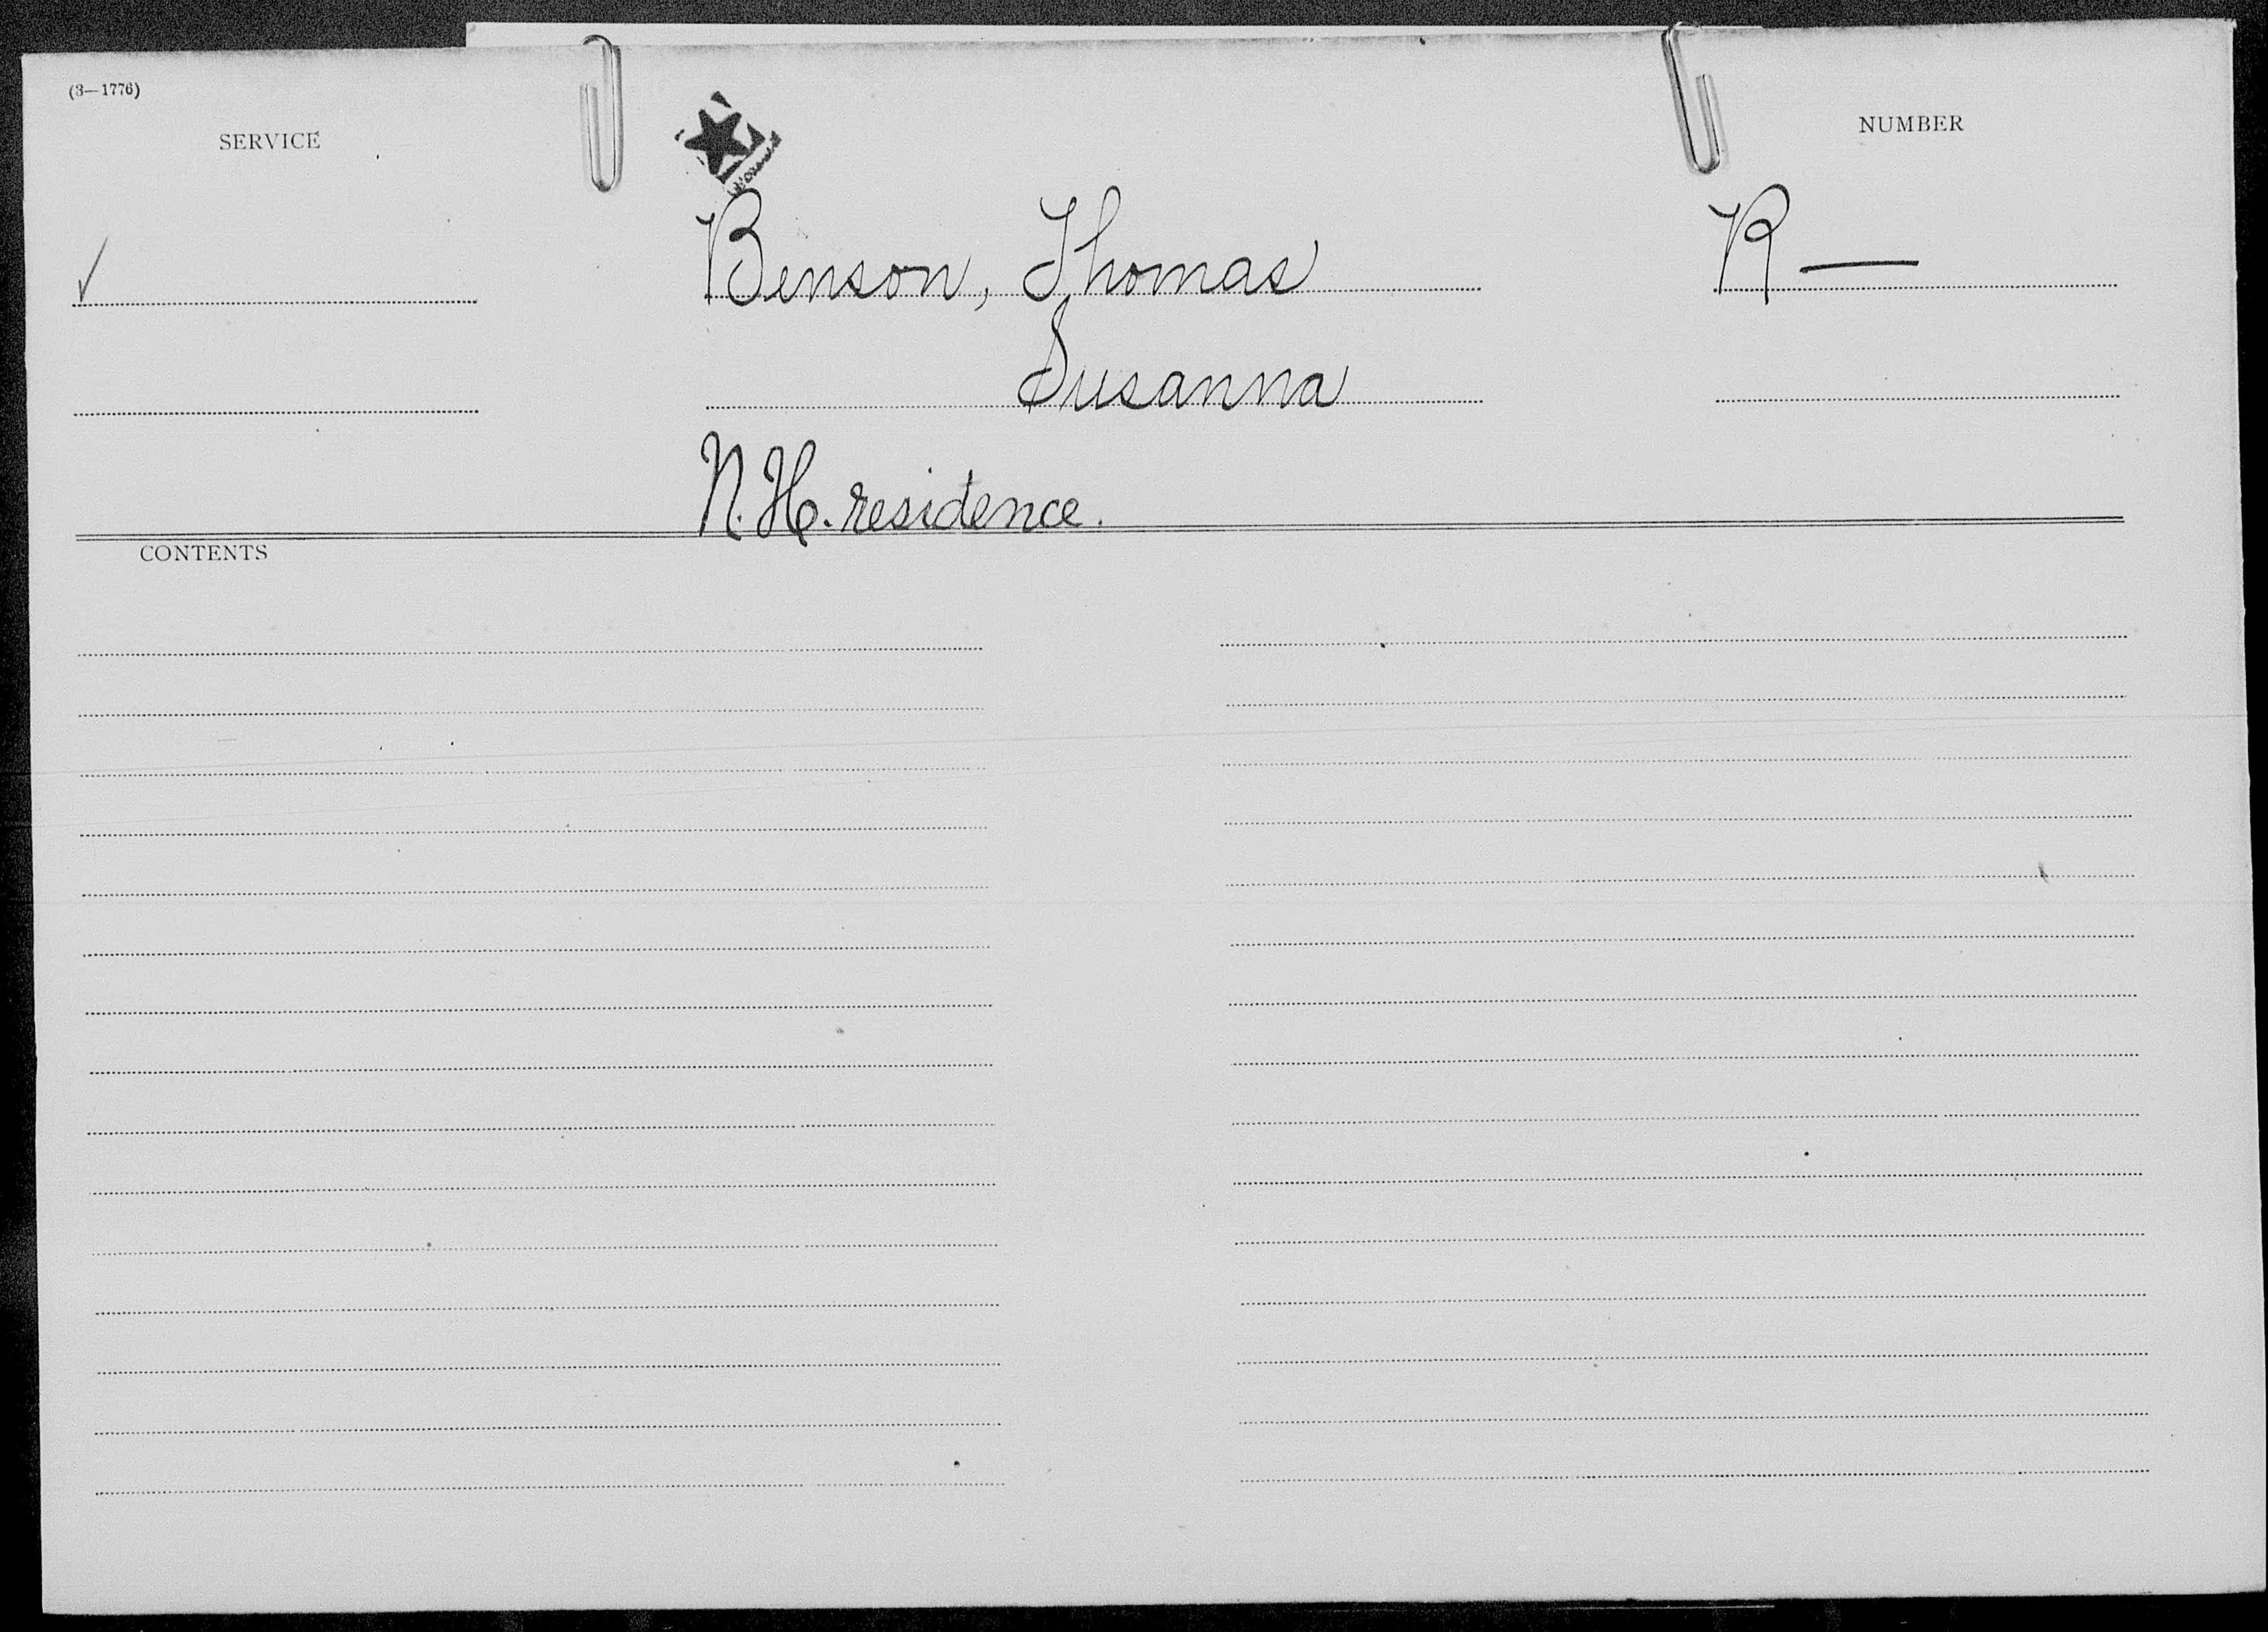(3-1776)
SERVICE|*|NUMBER
✓ |Benson, Thomas|R
[blank]|Susanna|[blank]
N.H. residence
CONTENTS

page: 1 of 2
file: R, Thomas Benson, N.H. Residence